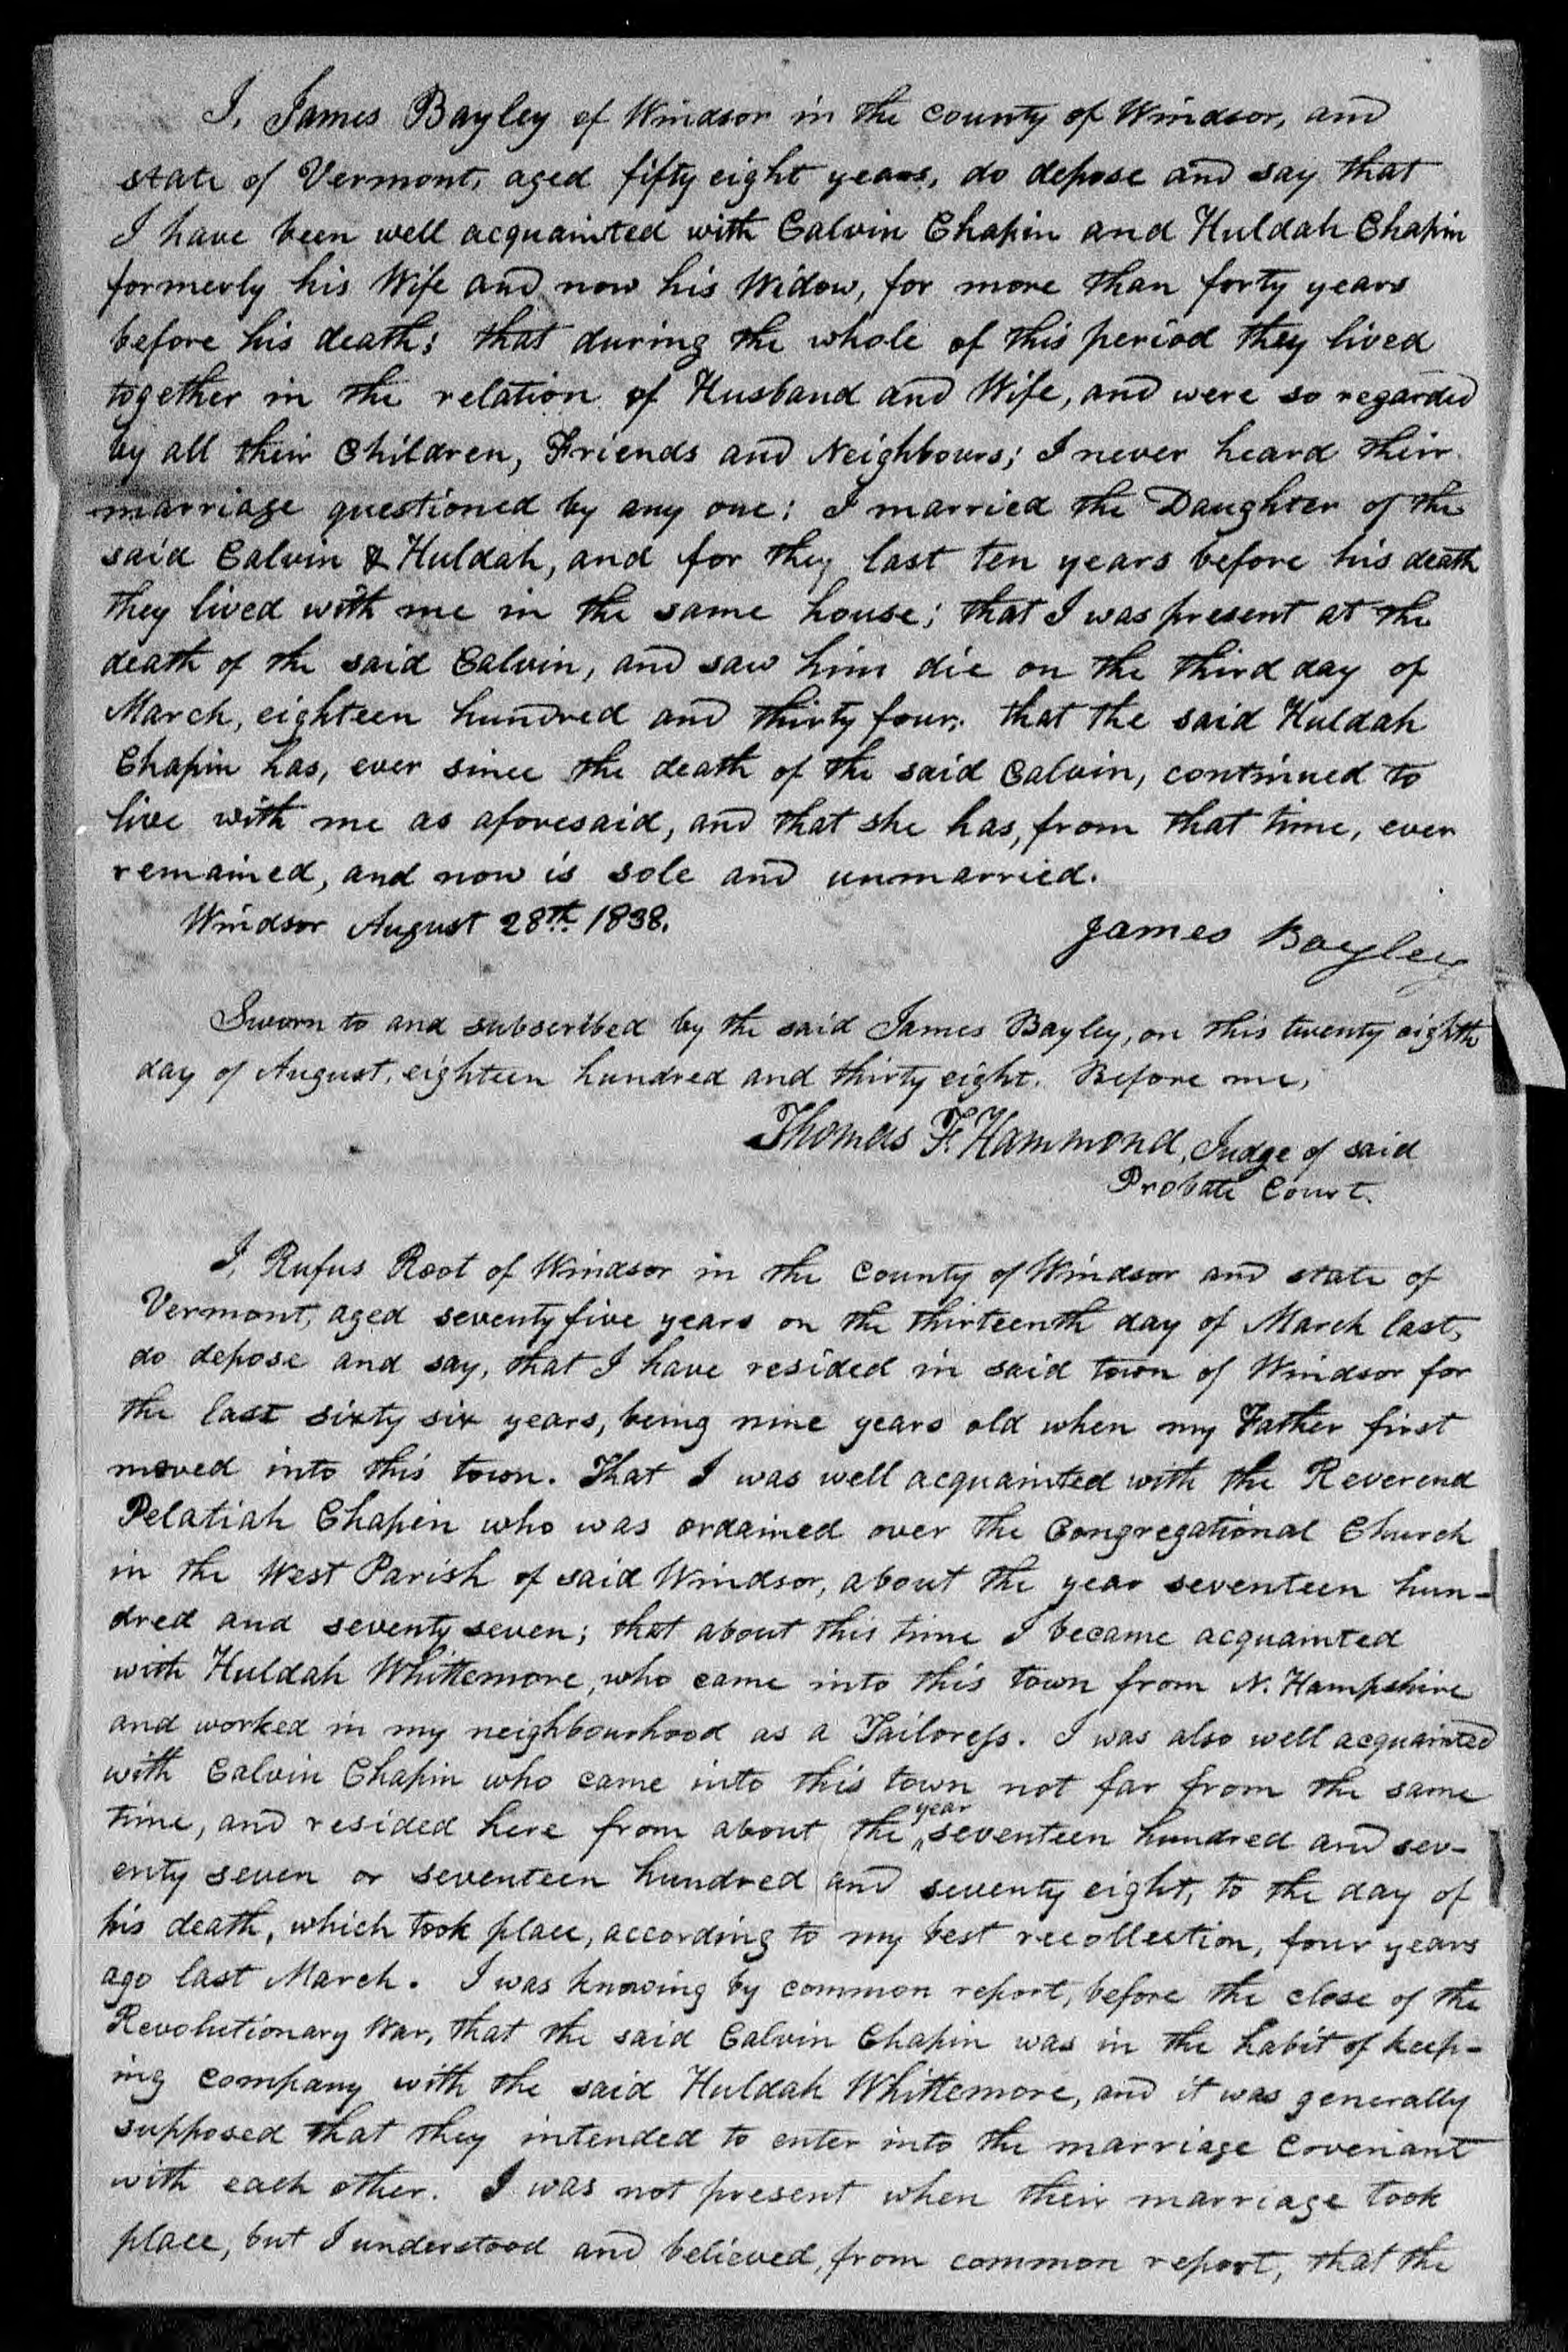I James Bayley of Windsor in the county of Windsor, and state of Vermont, aged fifty eight years, do depose and say that I have bee well acquainted with Calvin Chapin and Huldah Chapin formerly his wife and now his widow, for more than forty years before his death, that during the whole of tis period they lived together in the relation of Husband and Wife, and were so regarded by all their children, Friends and Neighbours; I never heard their marriage questioned by ay one; I married the Daughter of the said Calvin + Huldah, and for the last ten years before his death they lived with one in the same house'; that I was present at the death of the said Calvin, and saw him die on the third day of March, eighteen hundred and thirty four; that the said Huldah Chapin has, ever since the death of the said Calvin, continued to live with me as aforesaid, and that she has, from that time, even remained, and now is sole and unmarried.
Windsor August 28th 1838. /s/James Bayley
Sworn to and subscribed by the said James Bayley, in this twenty eighth day of August, eighteen hundred and thirty eight. Before me, 
/s/Thomas F. Hammond, Judge of said Probate Court
I, Rufus Root of Windsor in the county of Windsor and state of Vermont, aged seventy five years on the thirteenth day of March last, do depose and say, that I have resided in said tow of Windsor for the last sixty six years, being nine years old when my Father first moved into this town. That I was well acquainted with the Reverend Pelatiah Chapin who was ordained over the Congregational Church in the West Parish of said Windsor, about the year seventeen hundred and seventy seven; that about this time I became acquainted with Huldah Whittemore, who came into this town from N. Hampshire and worked in my neighbourhood as a Tailoress. I was also well acquainted with Calvin Chapin who came into this town not far from the same time, and resided here from about the year seventeen hundred and seventy seven or seventeen hundred and seventy eight, to the day of his death, which took place, according to my best recollection, four years ago last March. I was knowing by common report, before the close of the Revolutionary War, that the said Calvin Chapin was in the habit of keeping company with the said Huldah Whittemore, and it was generally supposed that they intended to enter into the marriage covenant with each other. I was not present when their marriage took place, but I understood and believed, from common report, that the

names: Huldah Whittemore, Calvin, Calvin Chapin, Calvin, Rufus Root, Chapin, Calvin Chapin, Huldah Whittemore, James Bayley, Thomas F Hammond, Pelatiah Chapin, Calvin Chapin, Calvin, Huldah Chapin, Huldah, James Bayley, James Bayley, Huldah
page: 9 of 35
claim: widow's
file: W. 20,864, Calvin Chapin, Mass. Vt.